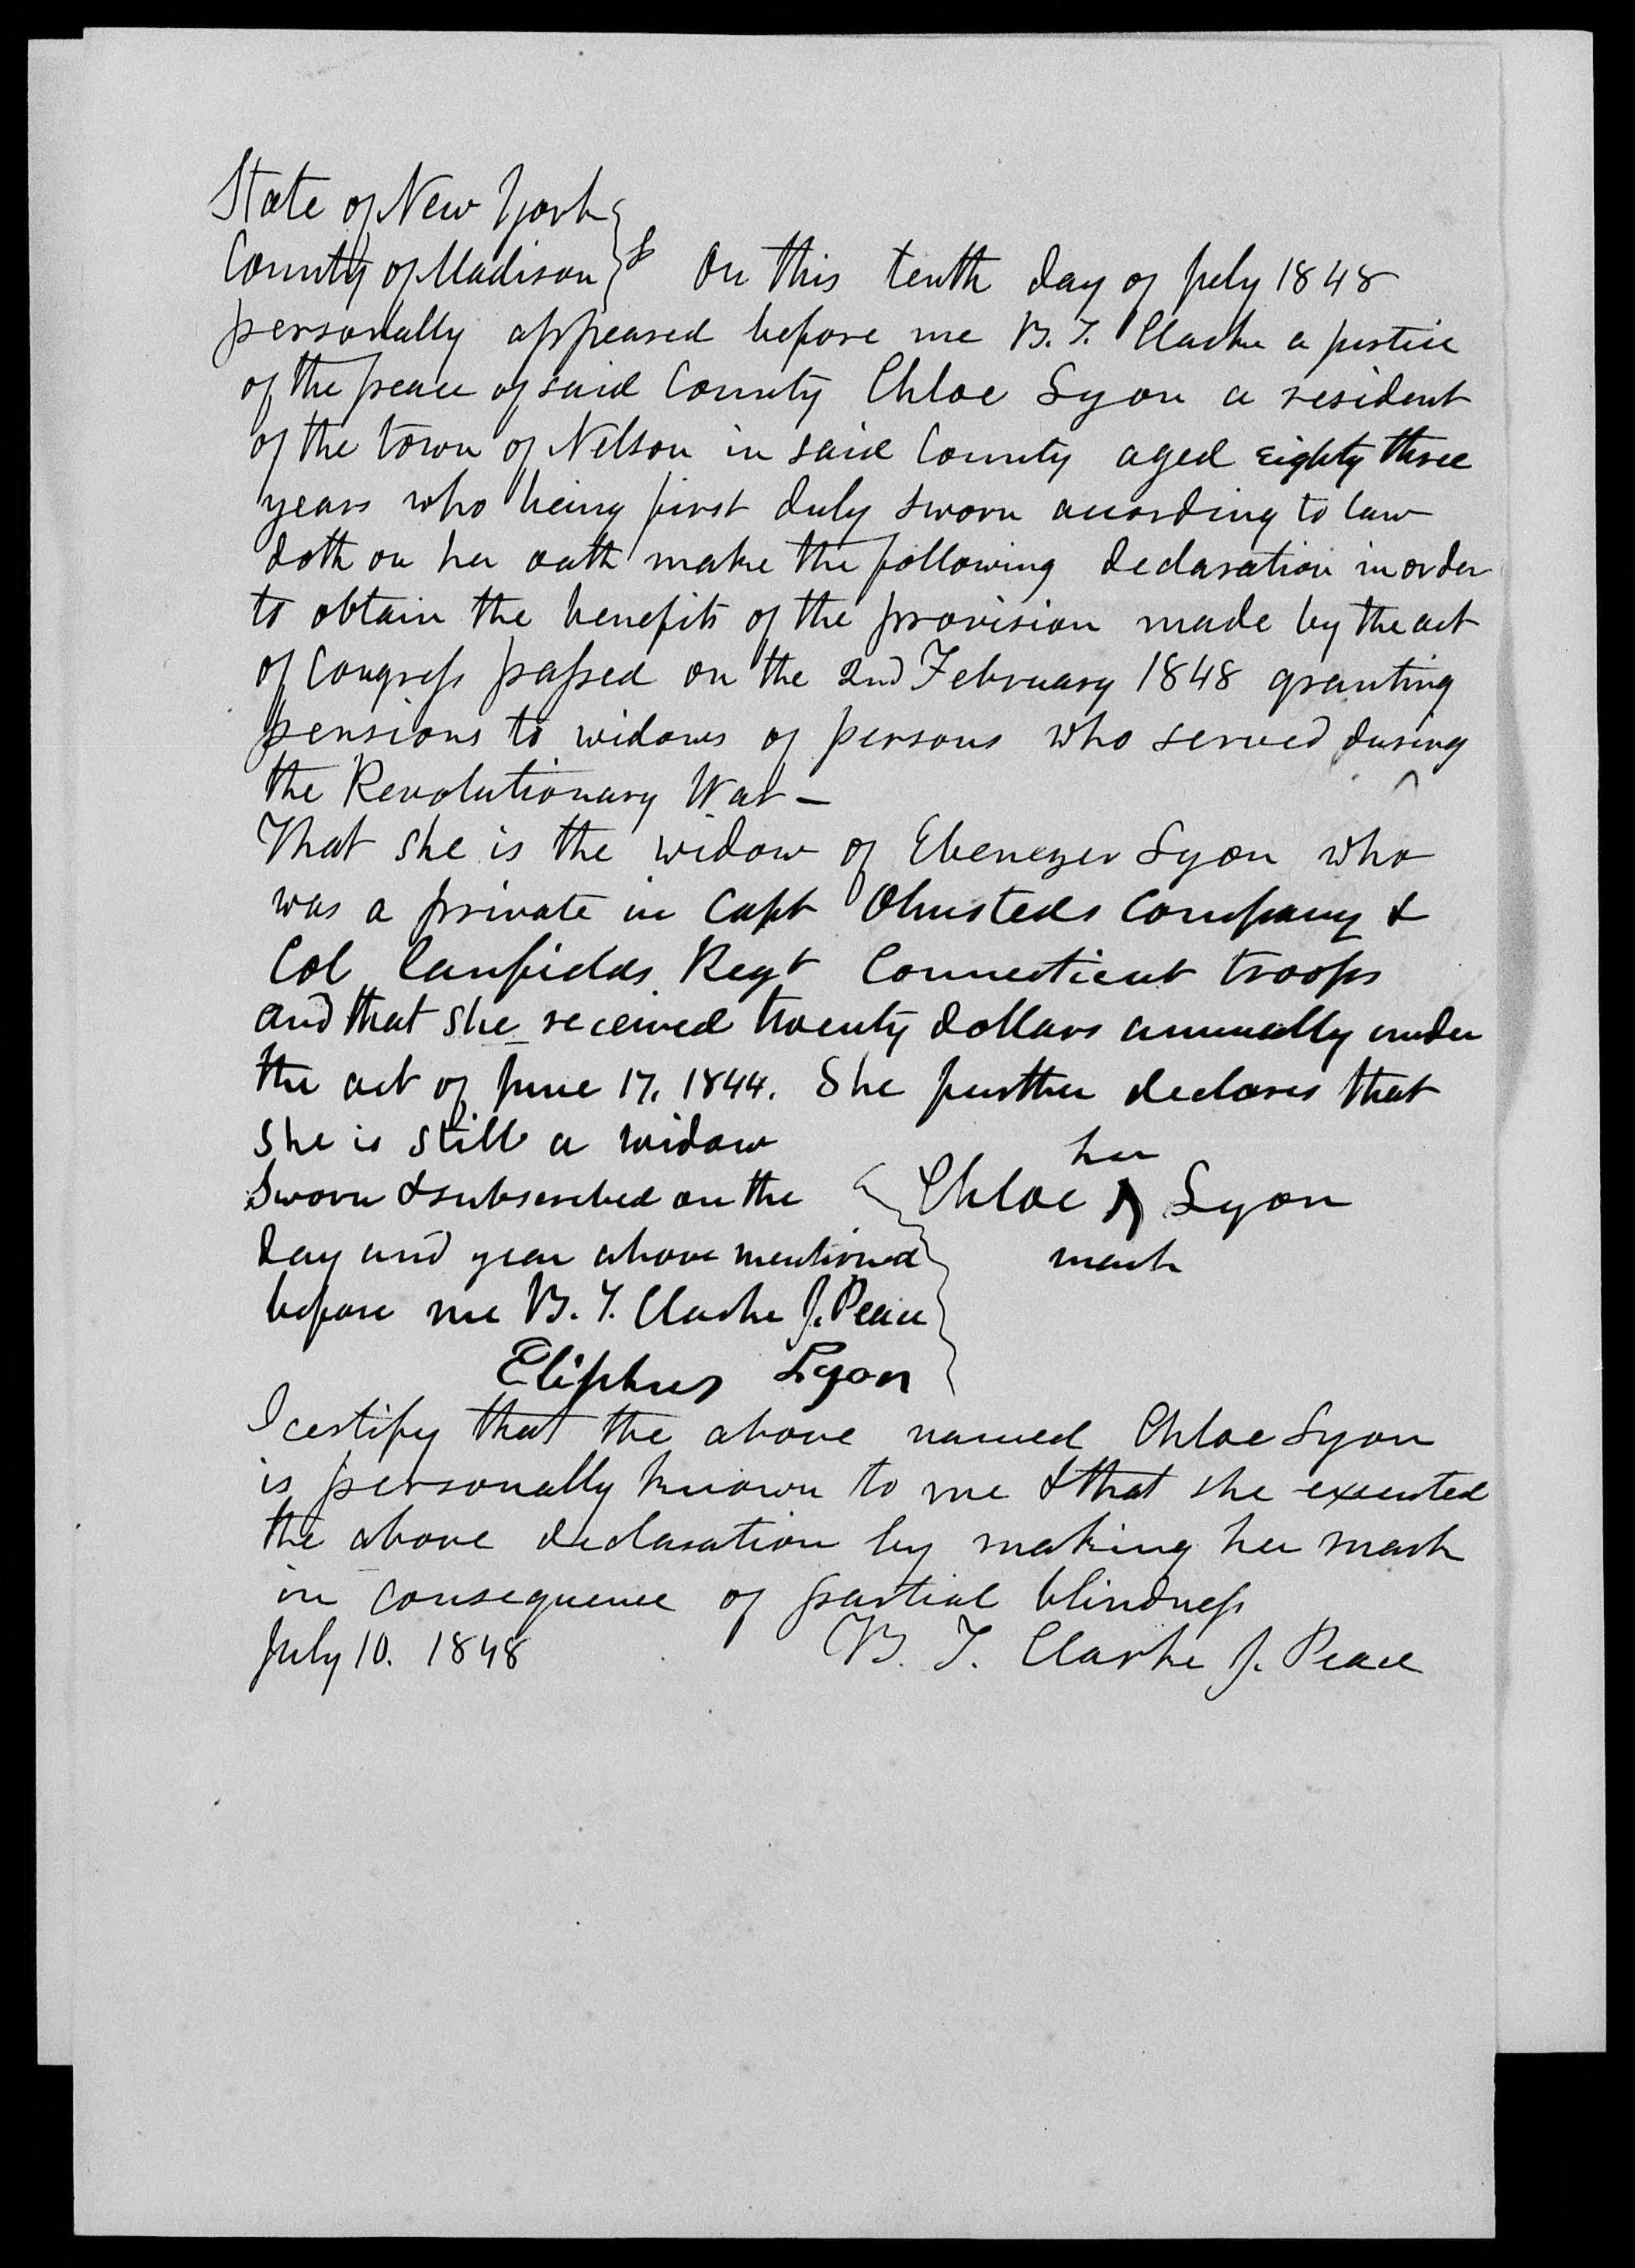State of New York
County of Madison ss  On this tenth day of July 1848 personally appeared before me B.T. Clarke a Justice of the peace of said County Chloe Lyon a resident of the town of Nelson in said County aged eighty three years who being first duly sworn according to law doth on her oath make the following declaration in order to obtain the benefits of the provision made by the act of Congress passed on the 2nd February 1848 granting pensions to widows of persons who served during the Revolutionary War-
That she is the widow of Ebenezer Lyon who was a private in Capt Olmsteds Company & Col Canfields Regt Connecticut troops and that she received twenty dollars annually under the act of June 17, 1844. She further declares that she is still a widow.
her
mark
Chloe Lyon

Sworn & subscribed on the day and year above mentioned before me B. T. Clarke J. Peace
Eliphus Lyon
I certify that the above named Chloe Lyon is personally known to me & that she executed the above declaration by making her mark in consequence of partial blindness
B. T. Clarke J. Peace
July 10, 1848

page: 38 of 40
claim: widow's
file: W. 24,615, for Ebenezer Lyon, Connecticut